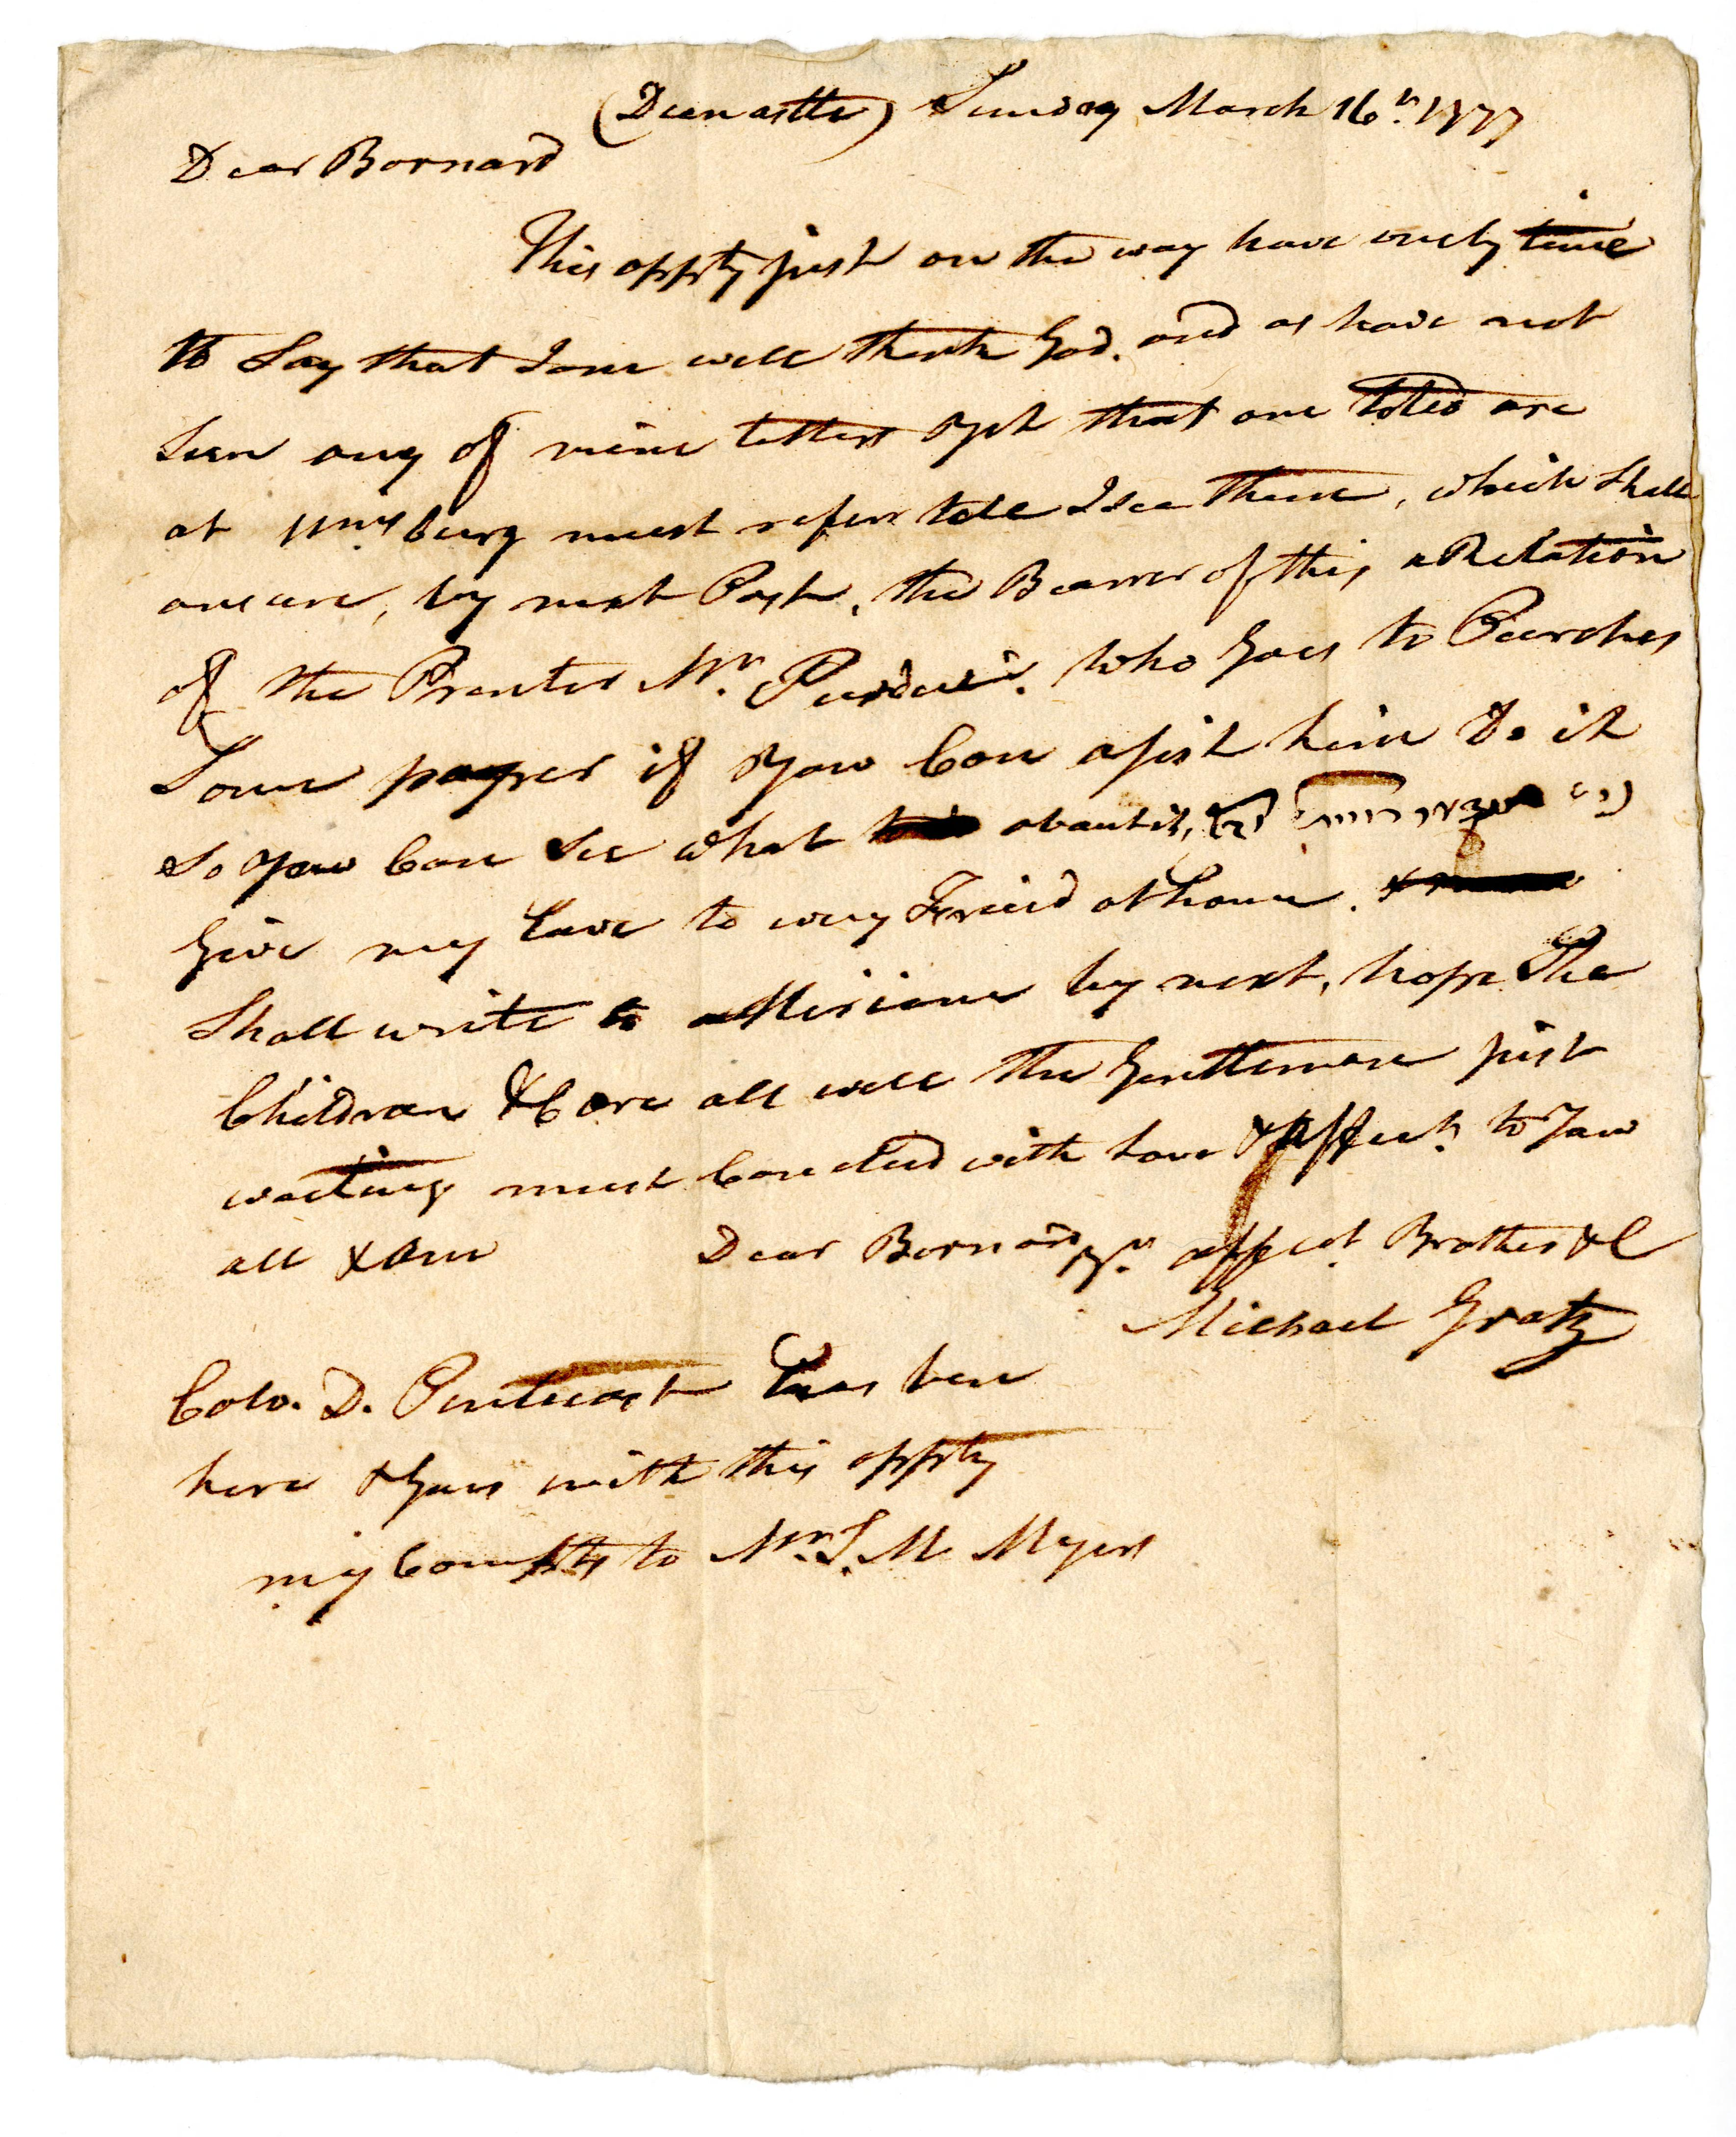(Dunatter) Sunday March 16^h. 1777
Dear Barnard
This opp^y just on the way have only time
to Say that I am well thank God, and as have not
seen any of mineletter yet that one told are
at W^ms.burg must refer tell I see there, which shall
answer, by next Post, the Bearer of this a Relation
of the Prenter M^rs. Purdue. who goes to Purches
some paper if you Can assist him as is
So you can see what [__] about it, [__________]
Give my love to every Freeid at home, [_____]
shall write to Miriam by next, hope The
Children &c are all well the Gentleman just
waiting must Conclud with Love & affec^t. to you
all & am
Dear Barnard y^r. affect Brother &
Michael Gratz
Colo. D. Pentuat has been
here & gives with this opp^ty
my Comp^ty to M^r S.M Myers